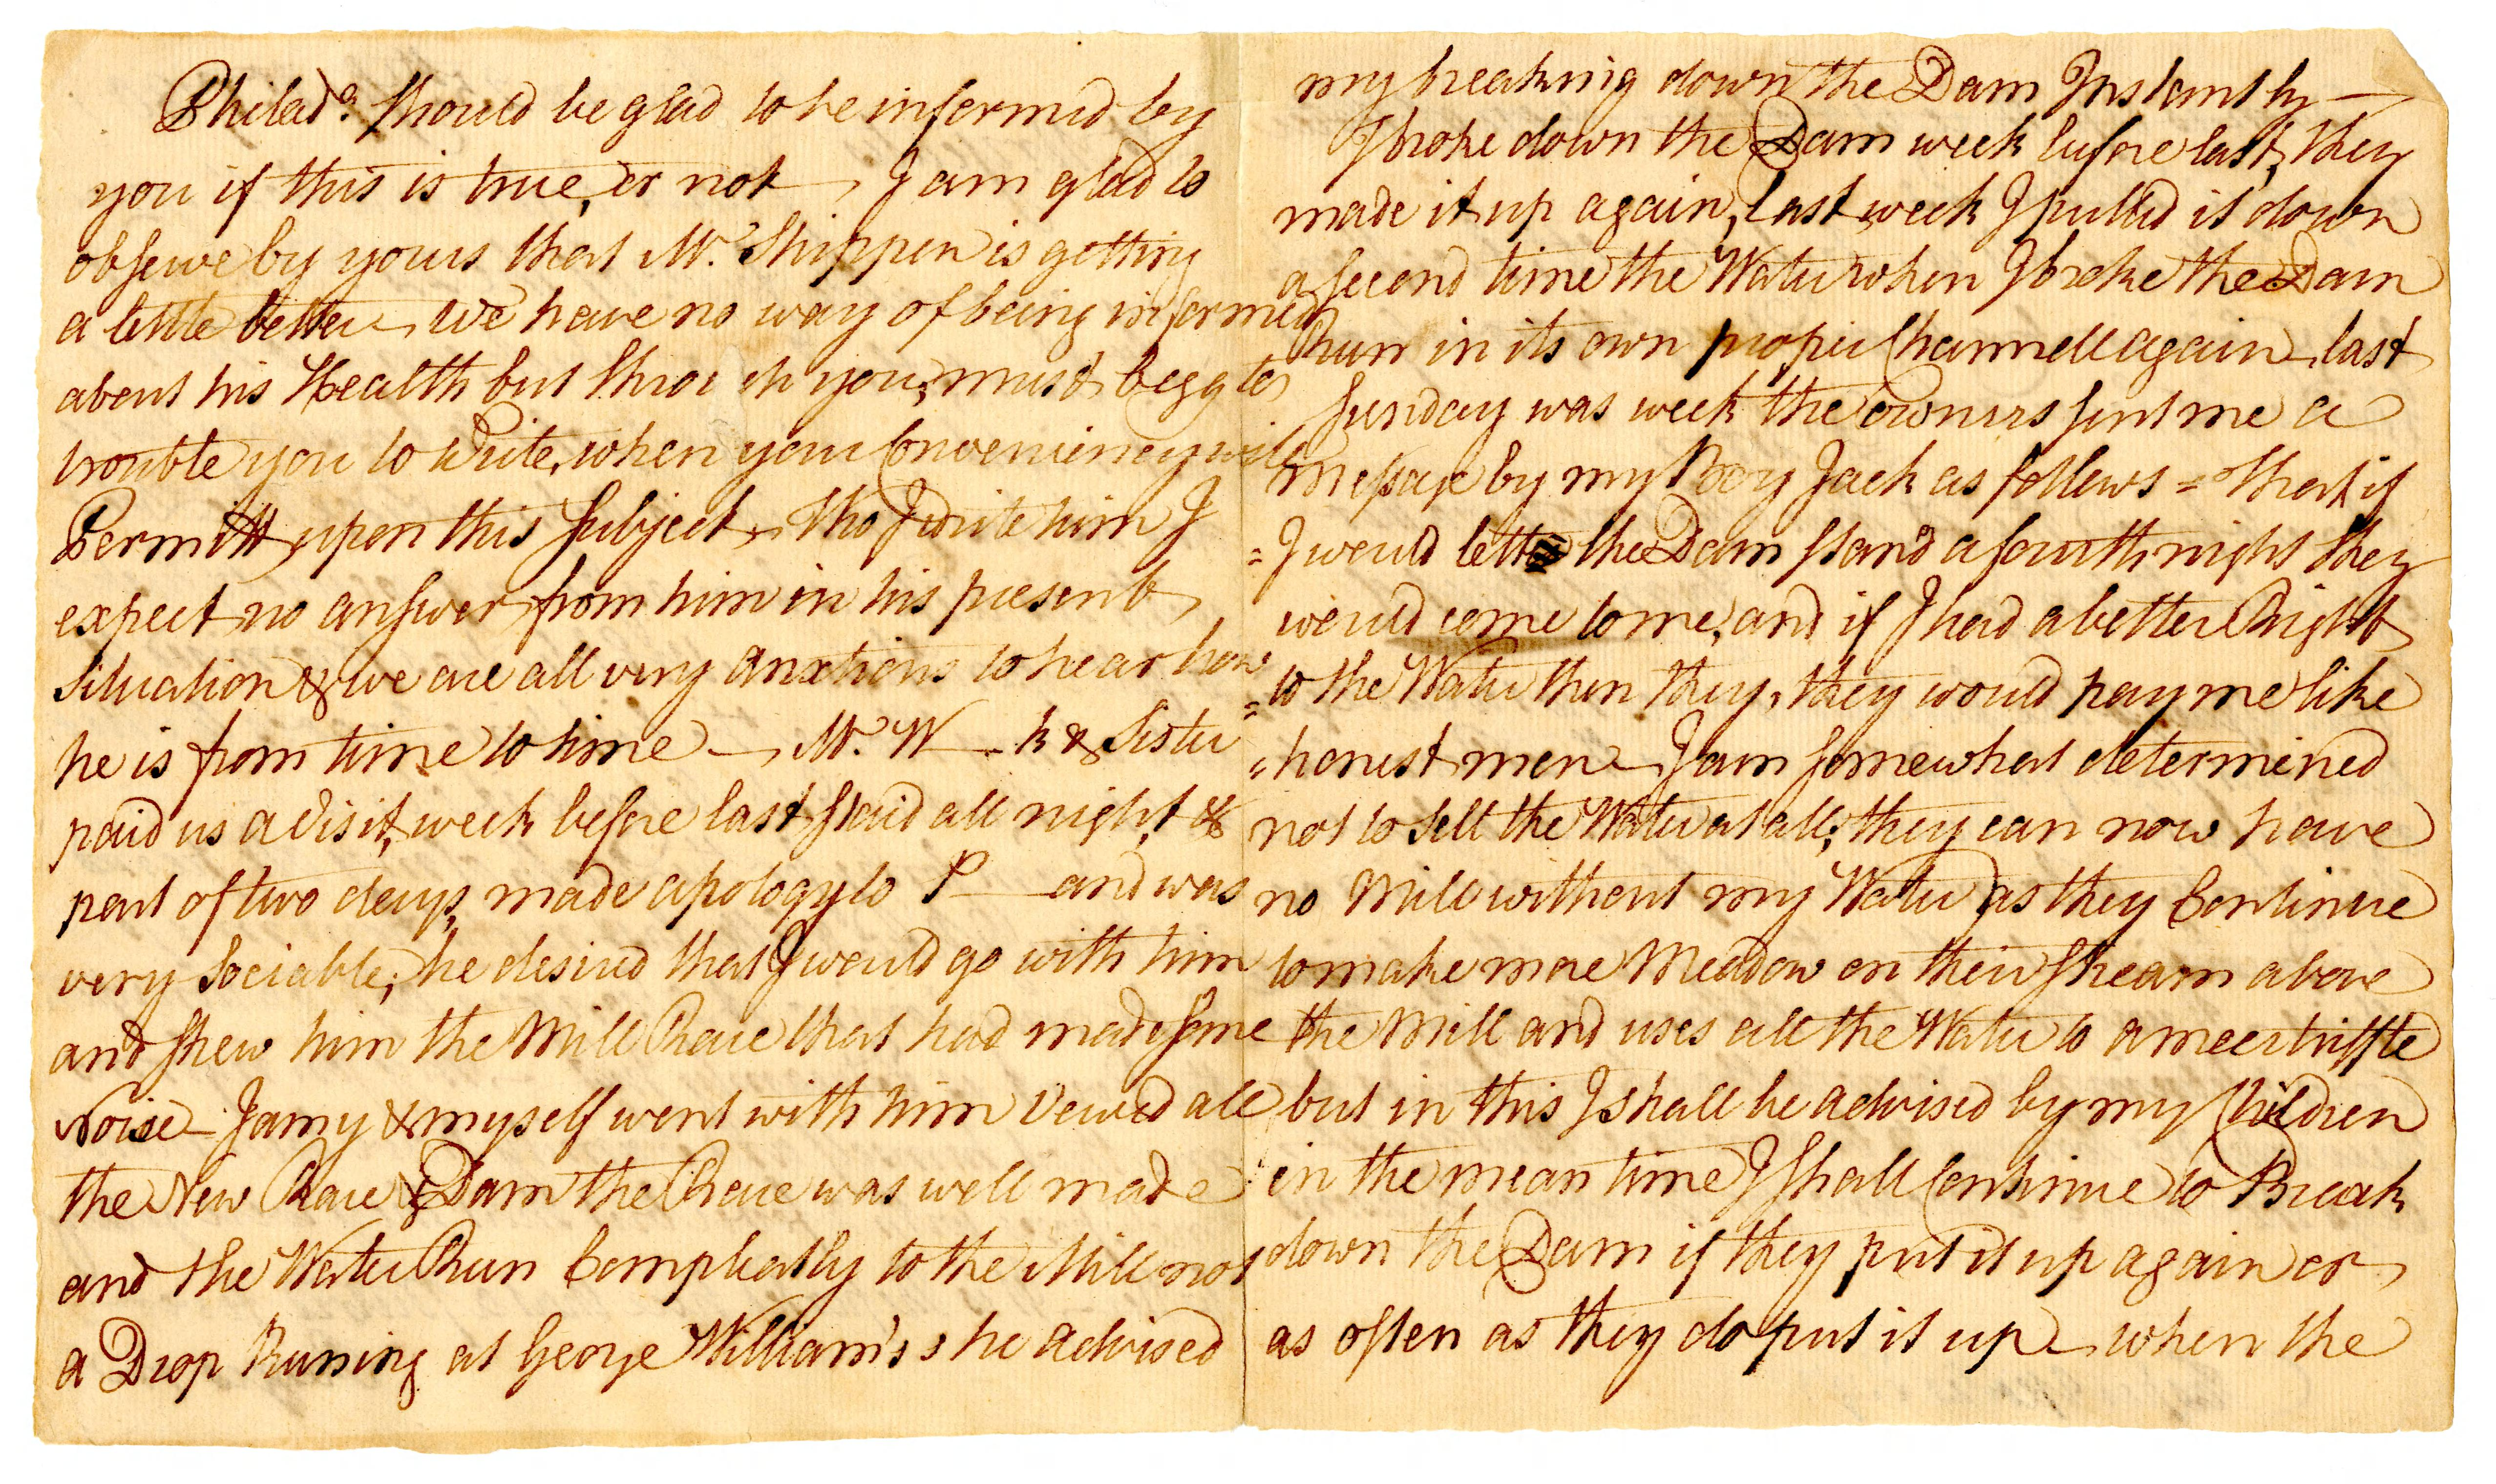Philad^a. should be glad to be informed by
you if this is true, or not. I am glad to
observe by yours that M^r. Shippen is getting
a little better. We have no way of being informed
about his health but thro on you; must begg to
trouble you to write, when your Conveniency will
Permitt upon this Subject. Tho I write him I
expect no answer from him in his present
Situation & we are all very Anxious to hear how
he is from time to time. M^r. W- B & Sister
paid us a visit, week before last staid all night &
part of two days, made apology to P– and was
very sociable, he desired that I would go with him
and shew him the Mill Race that had made some
Noise. Jamy & myself went with him Vewed all
the New Race & Dam the Race was well made
and the Water Run Compleatly to the Mill not
a Drop Runing as George William's she advised
my breaking down the Dam Instantly-
I broke down the Dam week before last they
made it uup again, last week I pulled it down
a second time the Water when I broke the Dam
Run in its own proper Channell again. last
Tuesday was week the owners sent me a
Message by my Boy Jack as follows. That if
I would lett the Dam stand a fourth night they
would come to me, and if I had a better night
to the Water then they, they would pay me like
honest men. I am somewhat determined
not to sell the Water at all, they can now have
no Mill without my Water as they Continue
to make more Meadow on their stream above
the Mill and uses all the Water to a meer triffle
but in this I shall be advised by my Children
in the mean time I shall Consime to Break
down the Dam if they put it up again or
as often as they do put it up. when the